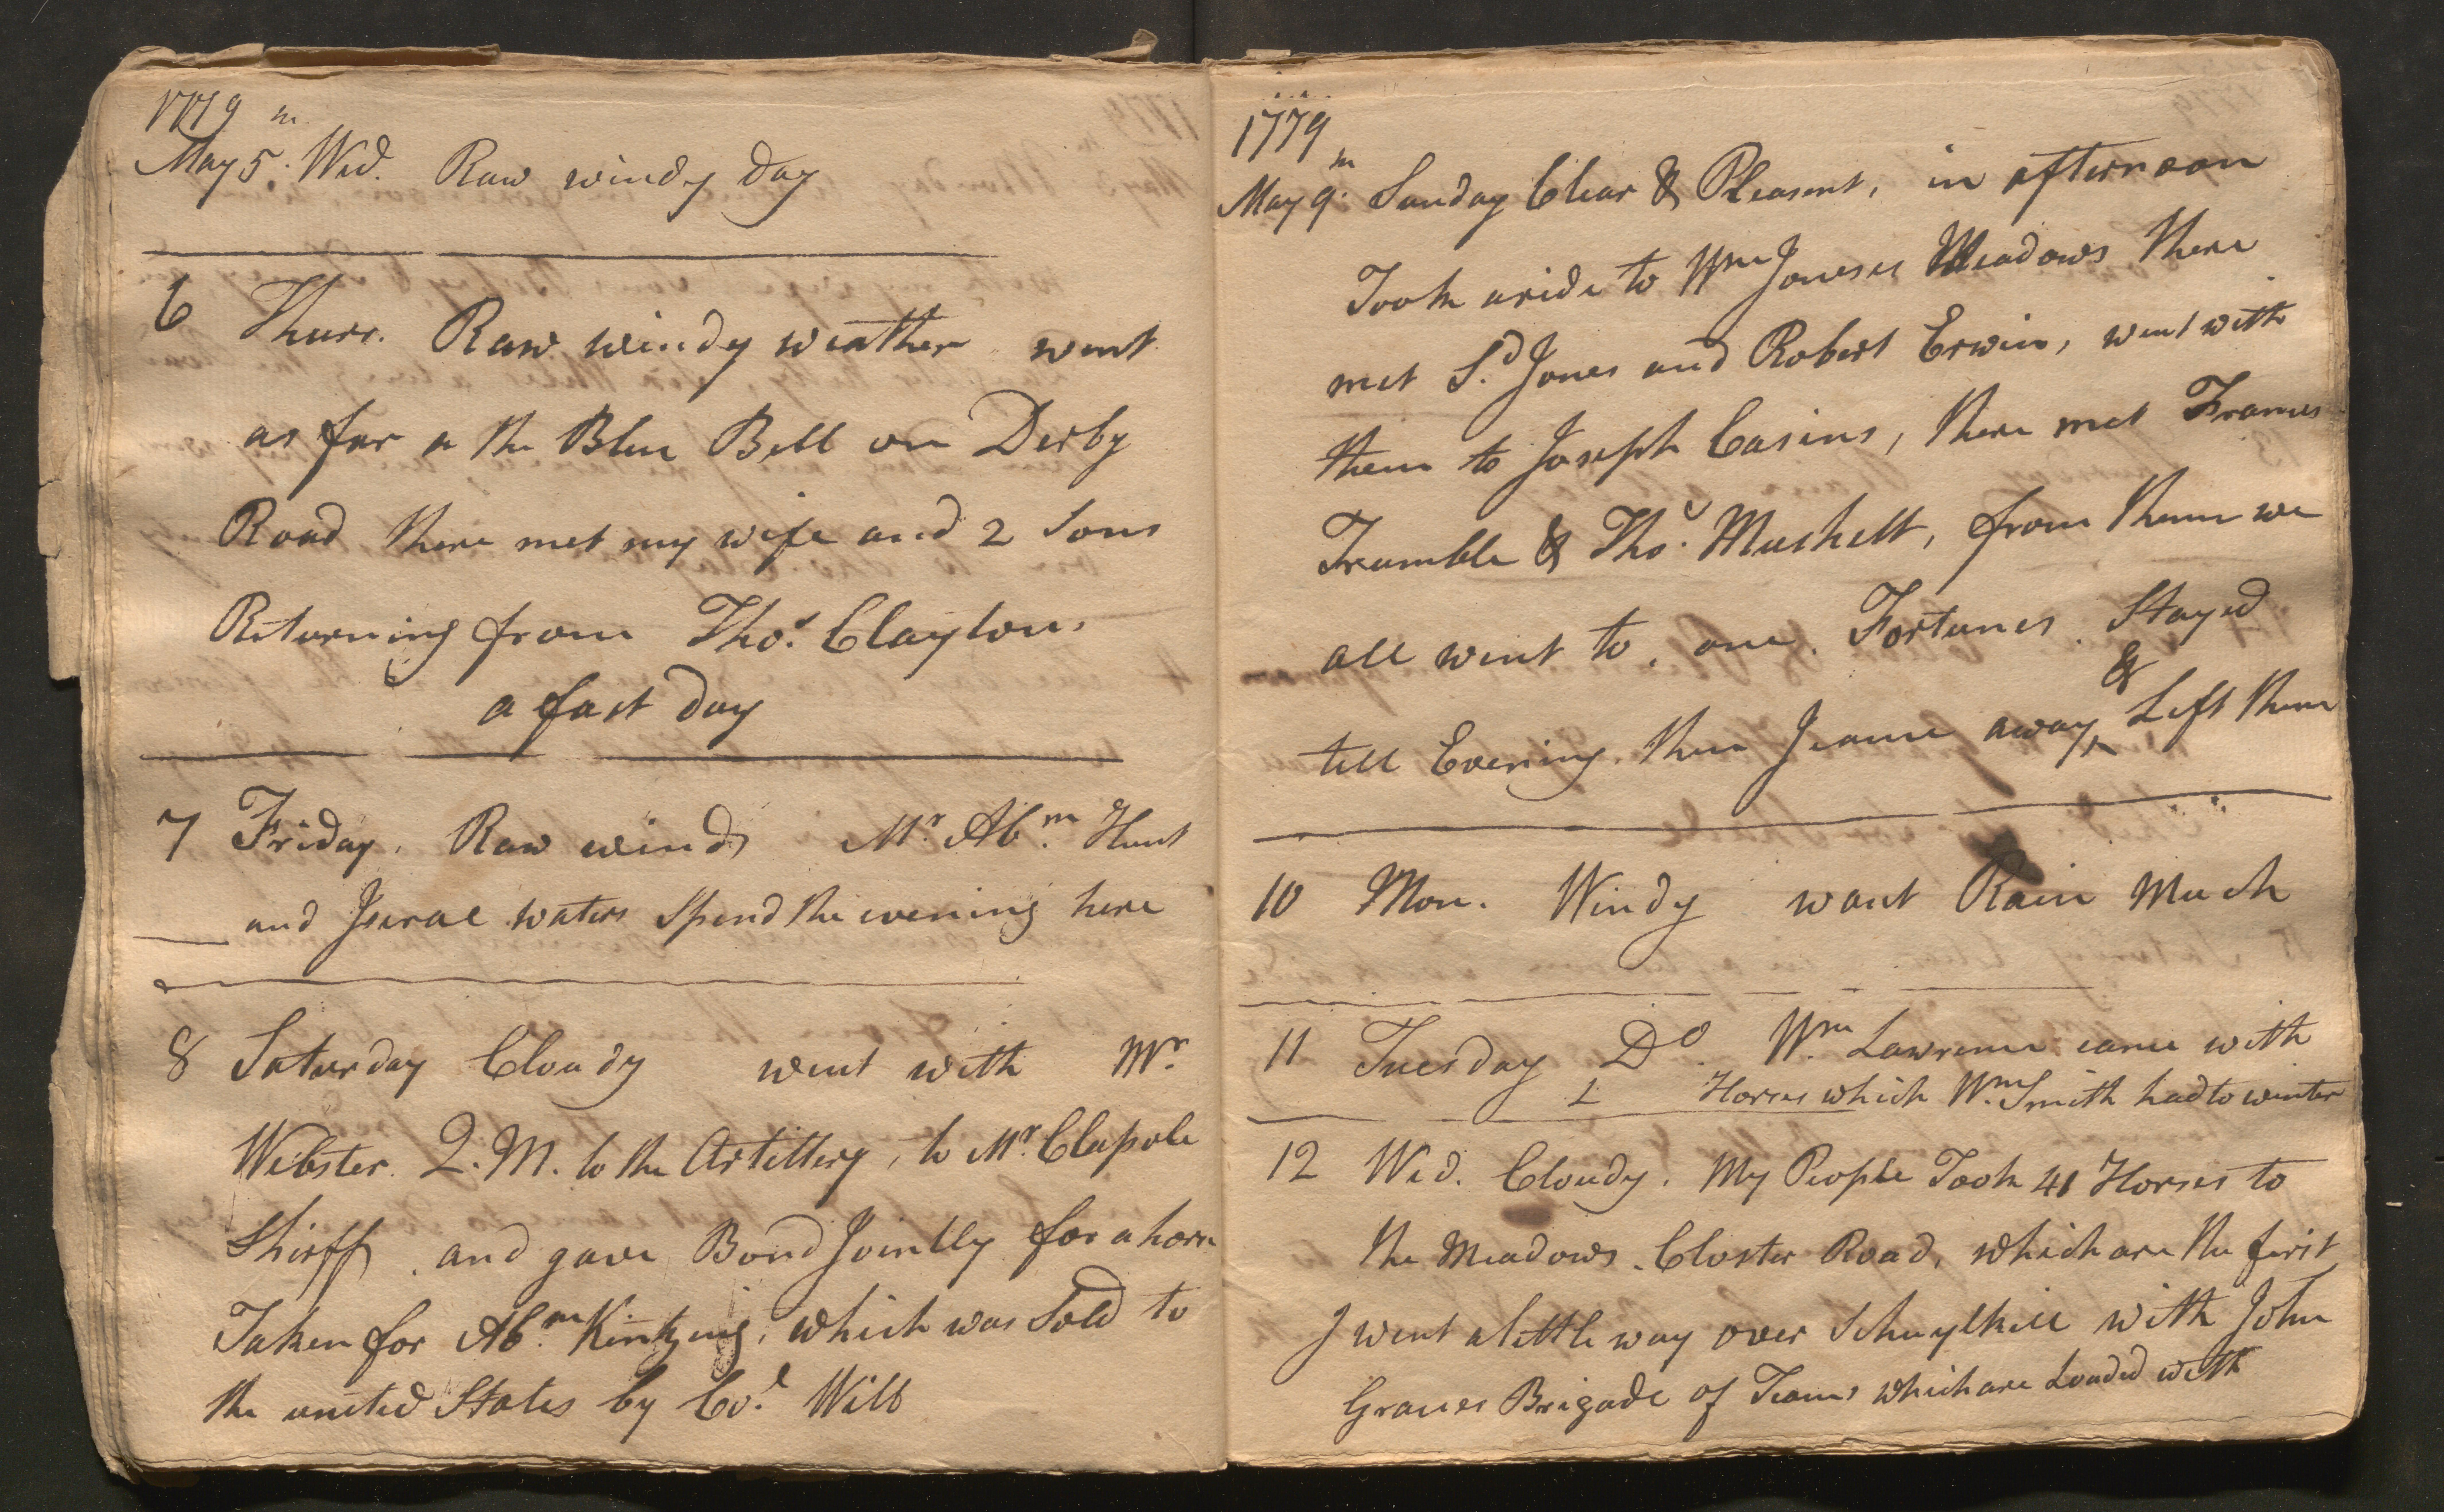177
May 5^th. Wed. Raw windy day
6 Thurs Raw windy weather went
as far a the Blue Bell on Derby
Road there met my wife and 2 sons
Returning from Tho^s. Claytons
a fast day
7 Friday. Raw winds M^r. Ab^m. Hunt
and Iseral waters spend the evening here
8 Saturdey Cloudy went with M^r.
Webster. Q. M. to the Artillery, to M^r. Clapole
Shirff, and gave Bond Jointly for a horse
Taken for Ab^m. Kinting. which was sold to
the united State by Co^l. Will
1779
May 9^th. Sunday Clear & Pleasent, in afternoon
Took a ride to W^m Joneses Meadows there
mit s^d. Jones and Robert Erwin, went with
them to Joseph Casins, there met Frances
Trumble & Tho^s Mushelt, from thence we
all went to one Fortunes Stayed
&
till Evening then I came away ^ Left them
10 Mon. Windy want Rain Much
1t Tuesday D^o.- M^r. Lawrence came with
Horses which W^m. Smith had to winter
12 Wed. Cloudy. My People Took 41 Horses to
The Meadows. Closter Read, which are the first
I went a little way over Schuylkill with John
Graves Brigade of Teams which are Loaded with